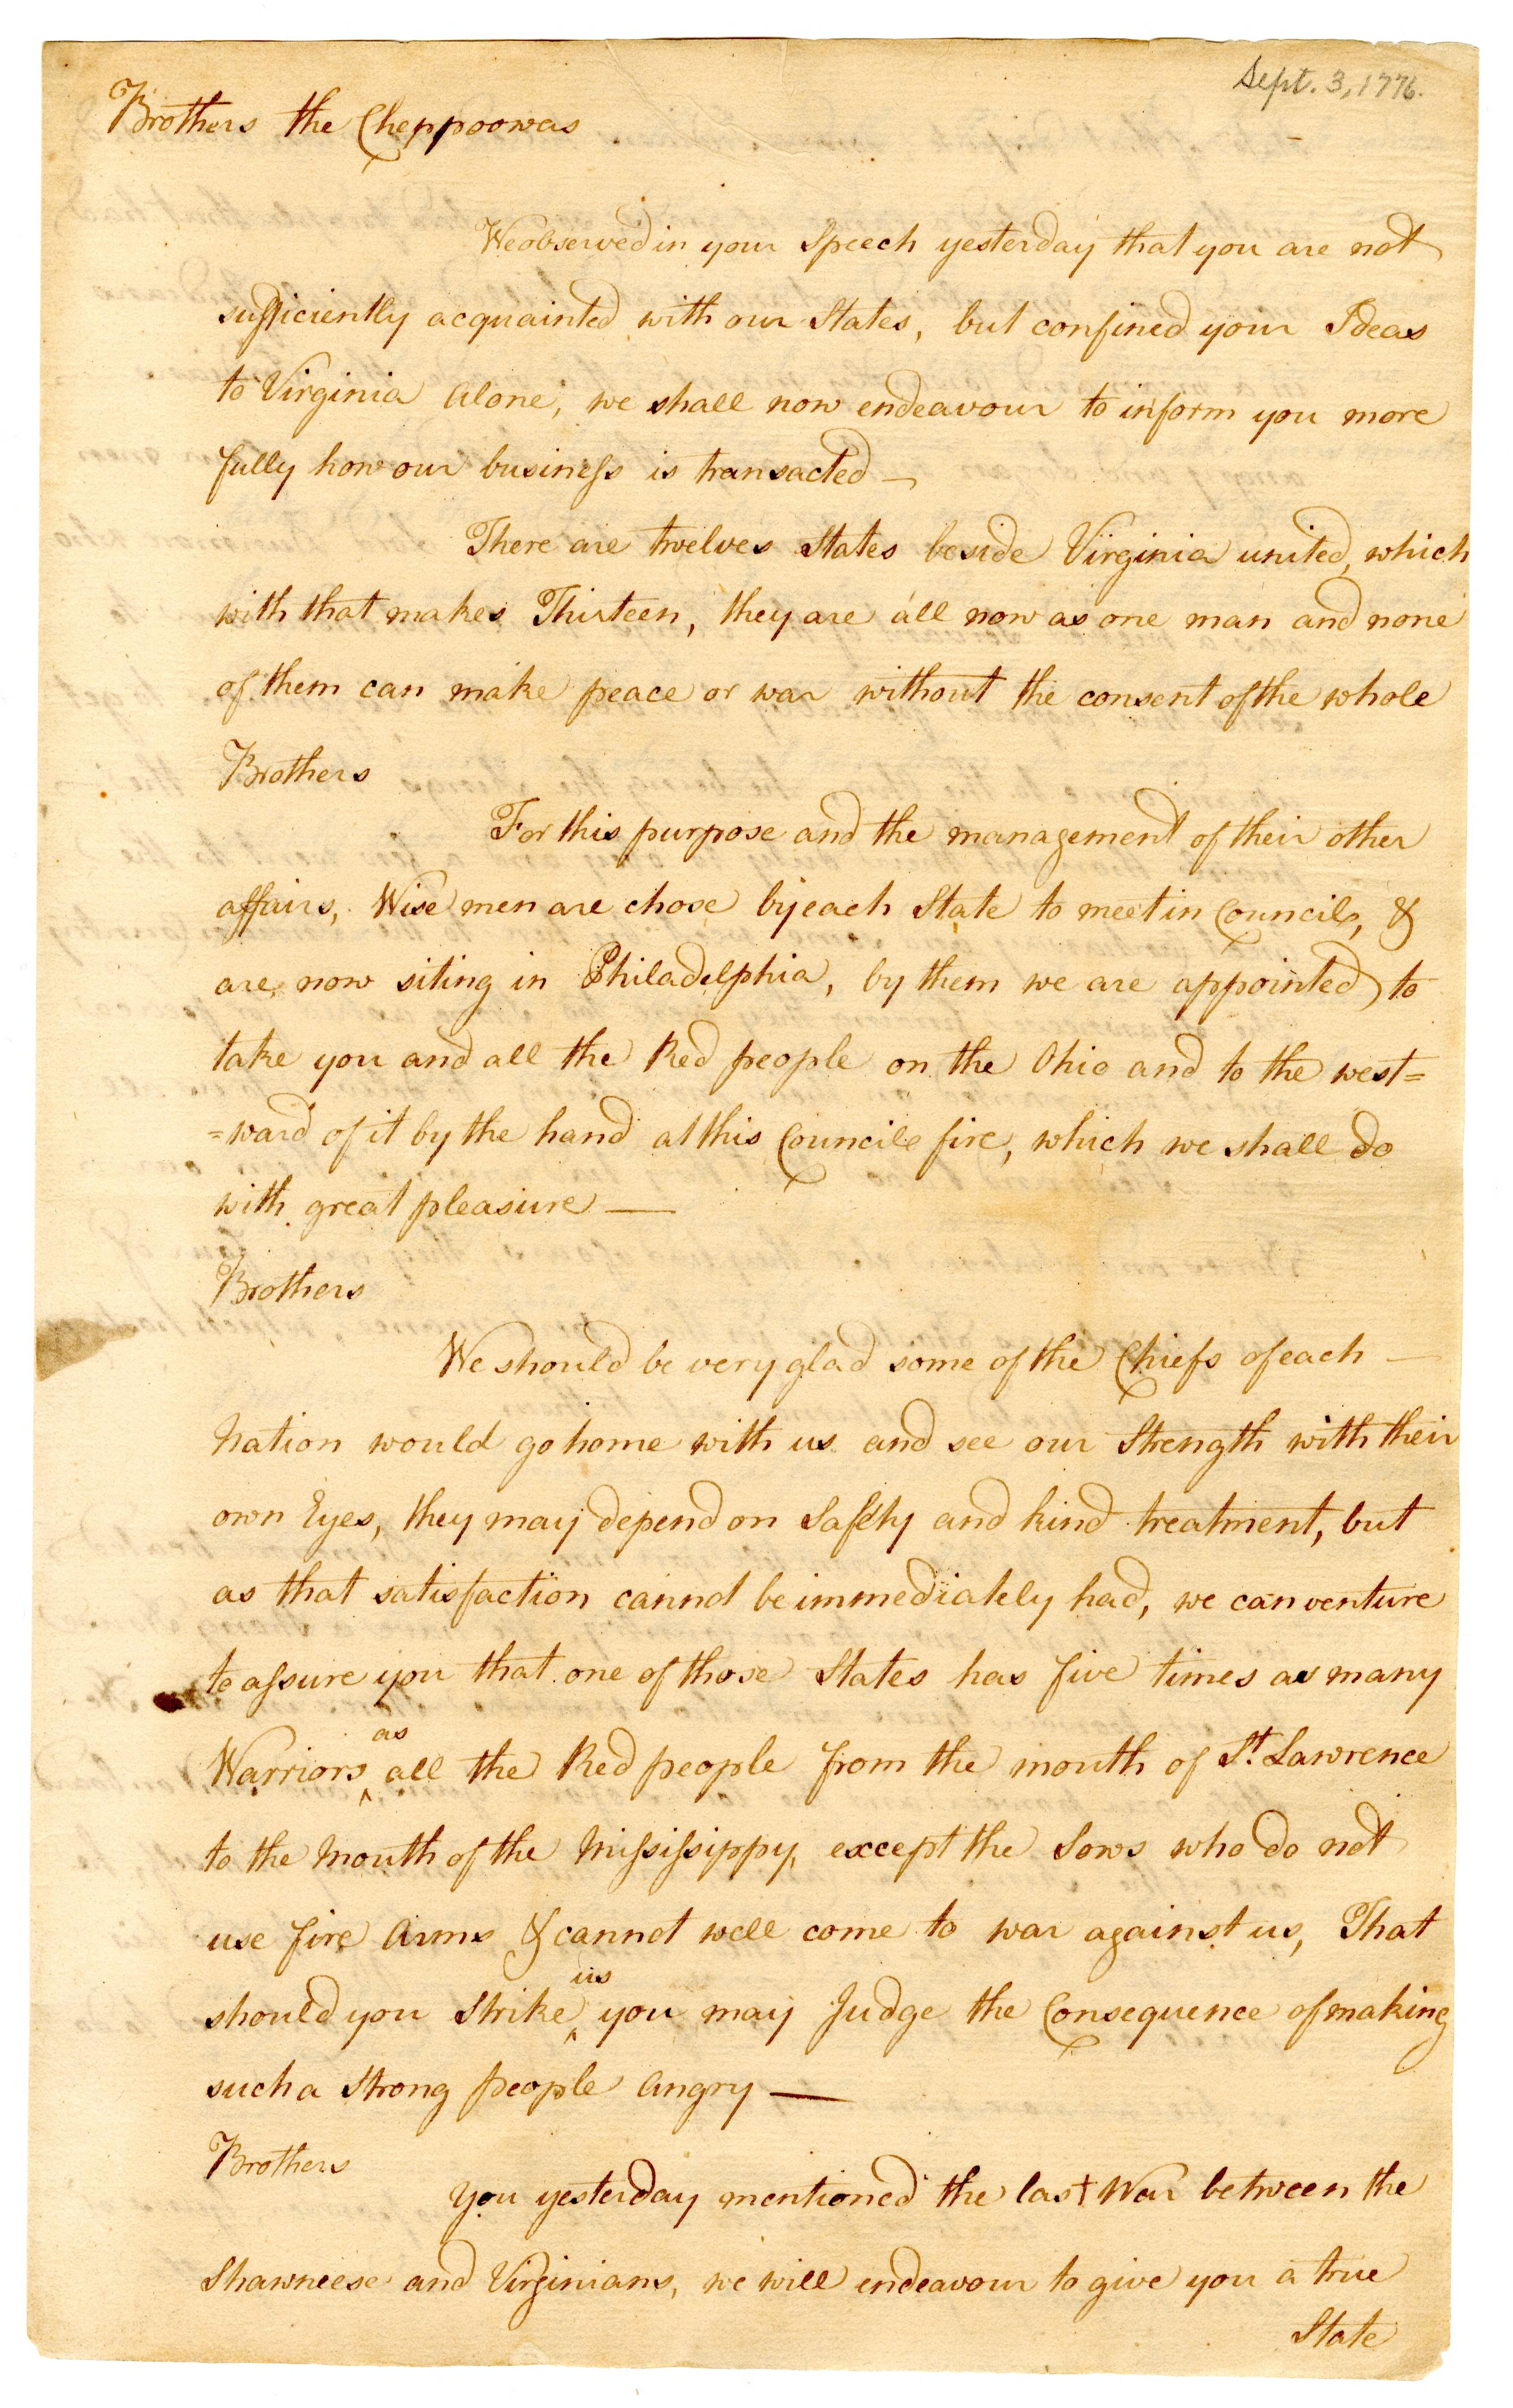Brothers the Cheppoowas
We observed in your Speech yesterday that you are not
sufficiently acquainted with our States, but confined your Ideas
to Virginia alone; we shall now endeavour to inform you more
fully how our business is transacted-
There are twelves States beside Virginia united, which
with that makes Thirteen, they are all now as one man and none
of them can make peace or war without the consent of the whole
Brothers
For this purpose and the management of their other
affairs, Wise men are chose by each State to meet in Councils, &
are now siting in Philadelphia, by them we are appointed to
take you and all the Red people on the Ohio and to the west-
-ward of it by the hand at this Council fire, which we shall do
with great pleasure-
Brothers
We should be very glad some of the Chiefs of each-
Nation would go home with us and see our Strength with their
own Eyes, they may depend on Safety and kind treatment, but
as that satisfaction cannot be immediately had, we can venture
to assure you that one of those States has five times as many
as
Warriors ^ all the Red people from the mouth of S^t. Lawrence
to the mouth of the Mississippy except the Sons who do not
use fire Arms & cannot well come to war against us, That
us
should you Strike ^ you may Judge the Consequence of making
such a Strong people angry-
Brothers
You yesterday mentioned the last War between the
Shawneese and Virginians, we will endeavour to give you a true
State